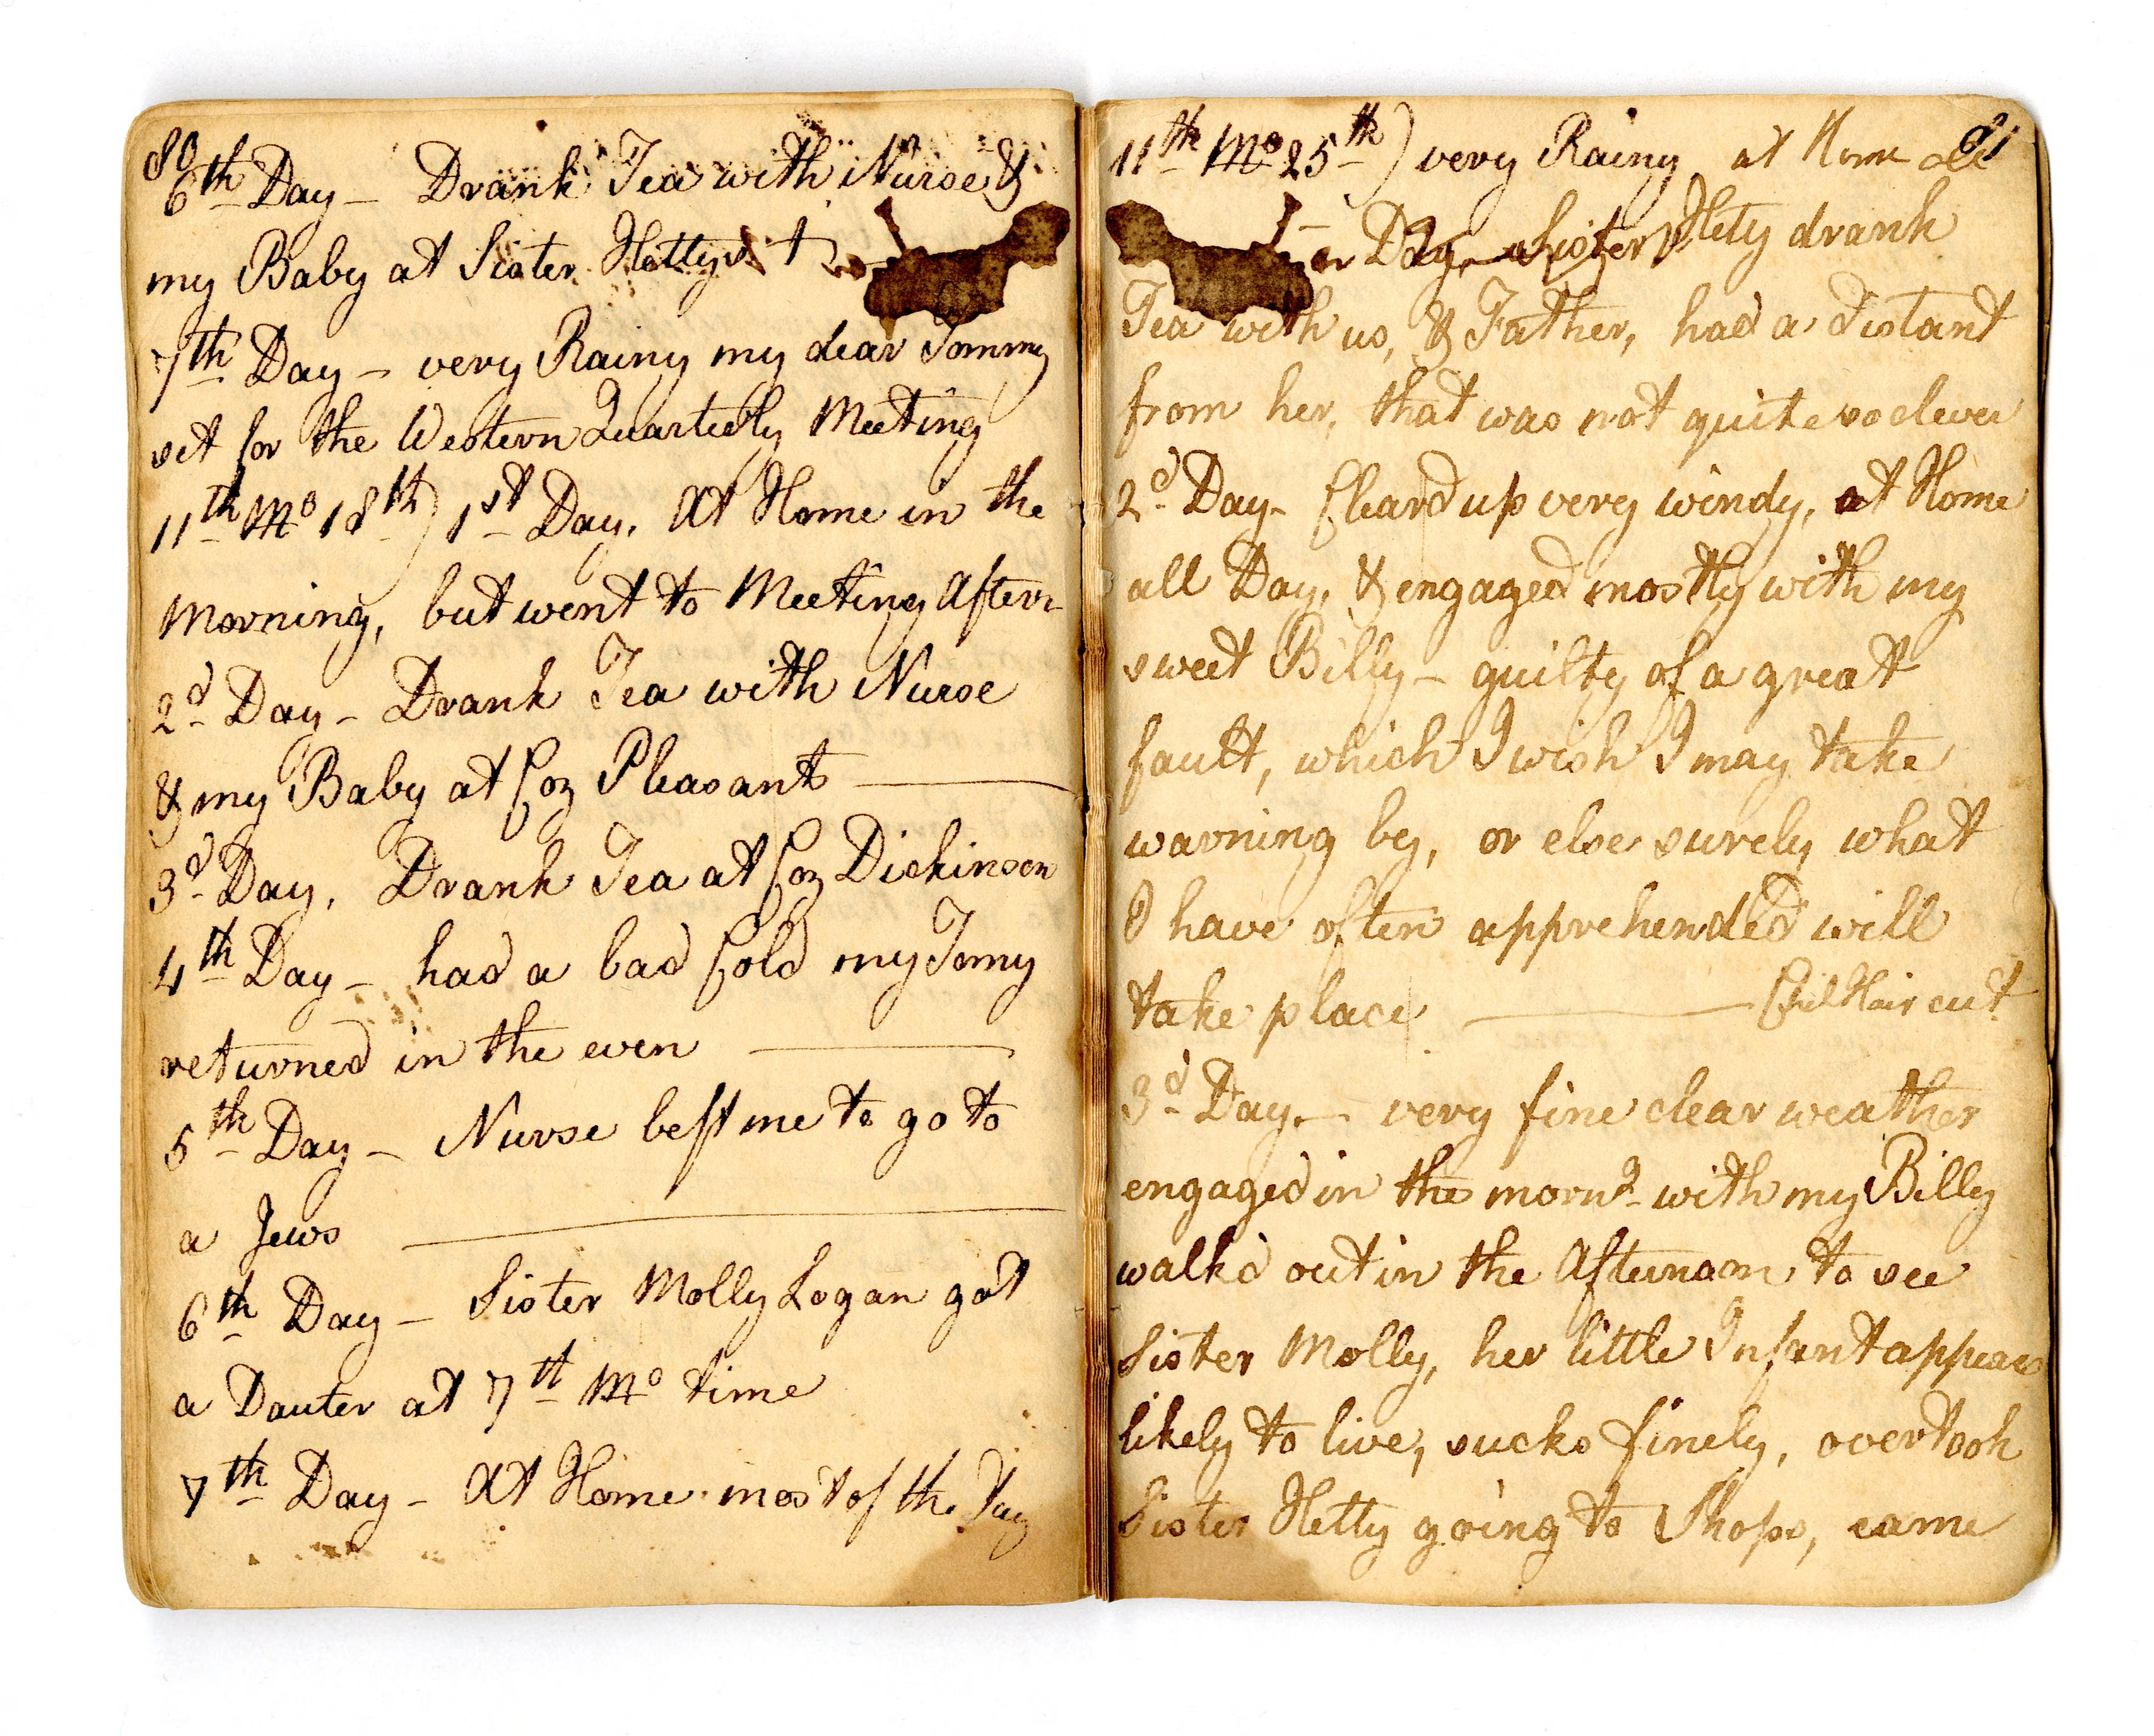6^th Day- Drank Tea with Nurse &
my Baby at Sister Hettys
7^th Day- very Rainy my dear Tommy
set for the Western Quarterly Meeting
11^th M^o 18^th) 1^st Day, At Home in the
Morning, but went to Meeting after
2^d- Day- Drank Tea with Nurse
& my Baby at Coz Pleasants
3^d Day, Drank Tea at Coz Dickinson
4^th Day- had a bad Cold my Tomy
returned in the even
5^th- Day- Nurse left me to go to
a Jews
6^th Day- Sister Molly Logan got
a Dauter at 7^th M^o time
7^th Day- at Home most of the day
11^th M^o 25^th) very Rainy at Home all
Day Sister Hetty drank
Tea with us & Father, had a distant
from her, that was not quite so clever
2^d. Day- Cleard up very windy, at Home
all Day, & engaged mostly with my
sweet Billy- guilty of a great
fault, which I wish I may take
warning by, or else surely what
I have often apprehended will
take place- Chil Hair cut
3^d- Day- very fine clear weather
engaged in the morn^g with my Billy
walkd out in the Afternoon to see
Sister Molly, her little Infant appears
likely to live, sucks finely, overtook
Sister Hetty going to Shops, came